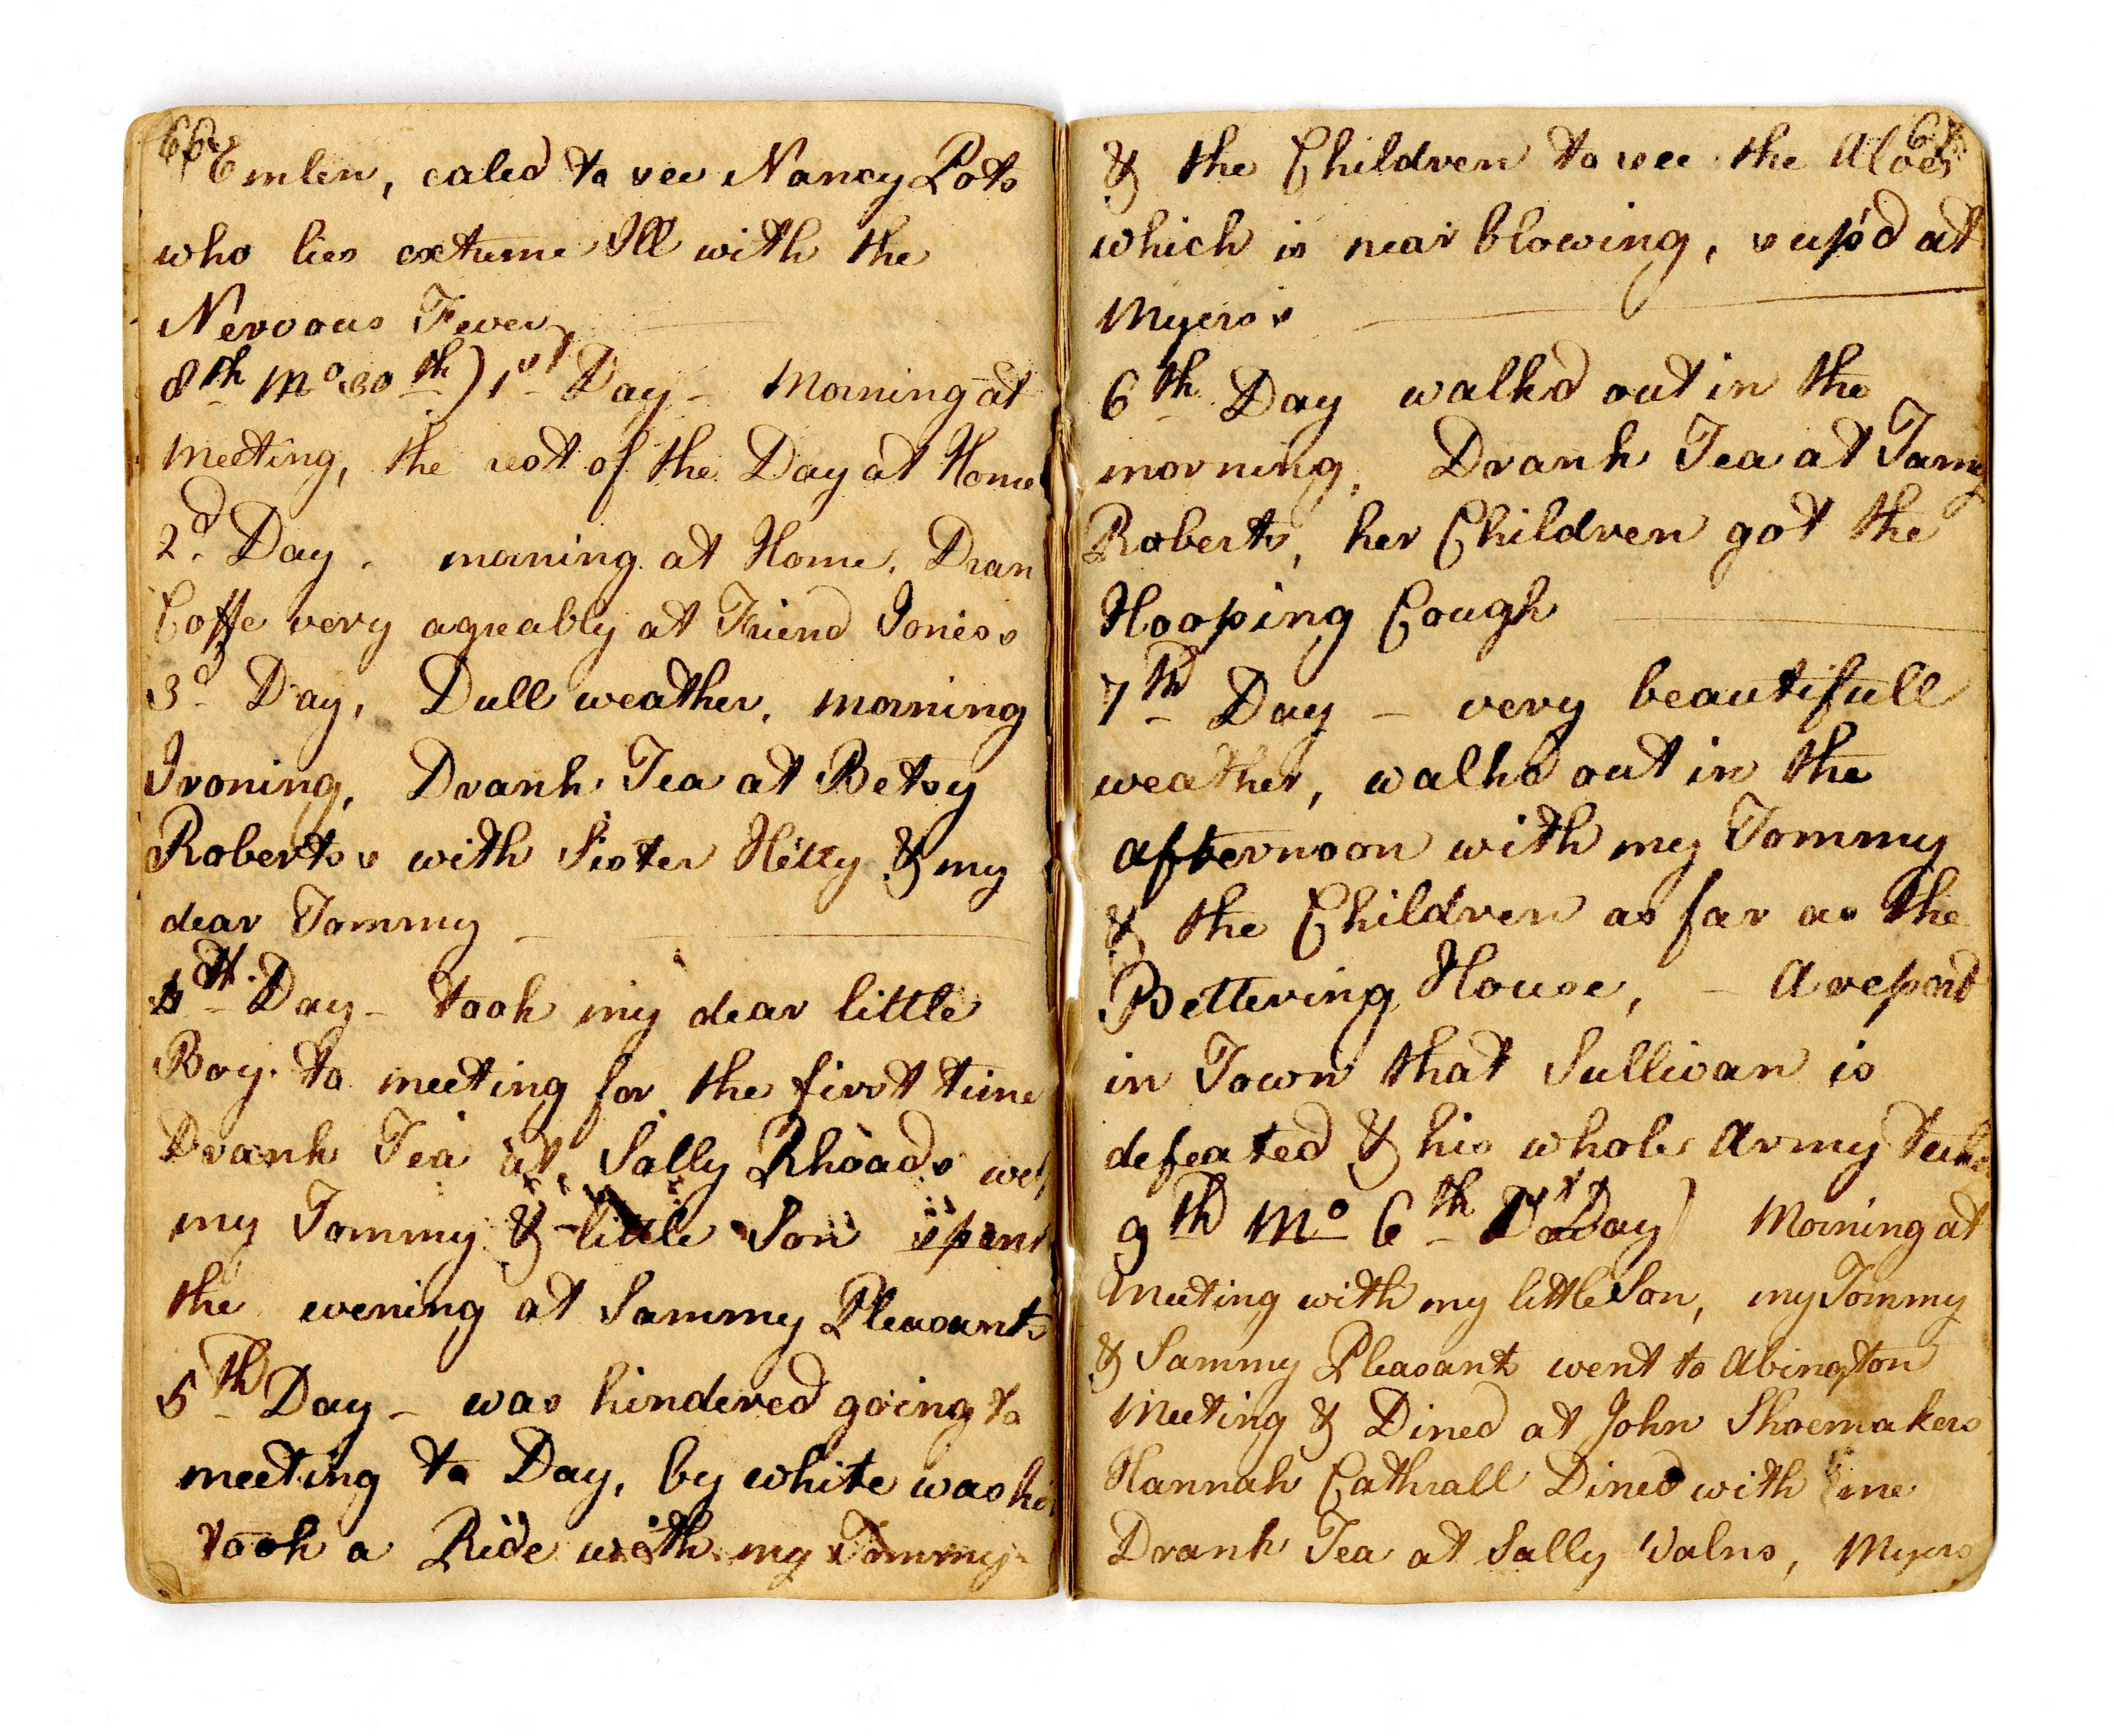66
Emlen, cald to see Nancy Pots
who lies extreme Ill with the
Nervous Fever-
8^th M^o 30^th) 1^st Day- Morning at
Meeting, the rest of the Day at Home
2^d Day. morning at Home, Dran
Coffe very agreably at Friend Jones s
3^d Day, Dull weather, morning
Ironing, Drank Tea at Betsy
Roberts s with Sister Hetty & my
dear Tommy
4^th Day- took my dear little
Boy. to meeting for the first time
Drank Tea at Sally Rhoads we
my Tommy & little Son spent
the evening at Sammy Pleasants
5^th Day- was hindered going to
meeting to Day, by white washin
took a Ride with my Tommy
67
& the Children to see the Aloes
which is near blowing, sup'd at
Myers's
6^th. Day walkd out in the
morning. Drank Tea at Tamy
Roberts, her Children got the
Hooping Cough
7^th Day- very beautifull
weather, walkd out in the
afternoon with my Tommy
& the Children as far as the
Bettering House,- A report
in Town that Sullivan is
defeated & his whole Army take
9^th M^o 6^th) 1^st Day) Morning at
Meeting with my little Son, my Tommy
& Sammy Pleasants went to Abington
Meeting & Dined at John Shoemakers
Hannah Cathrall Dined with me
Drank Tea at Sally Walns, Myers